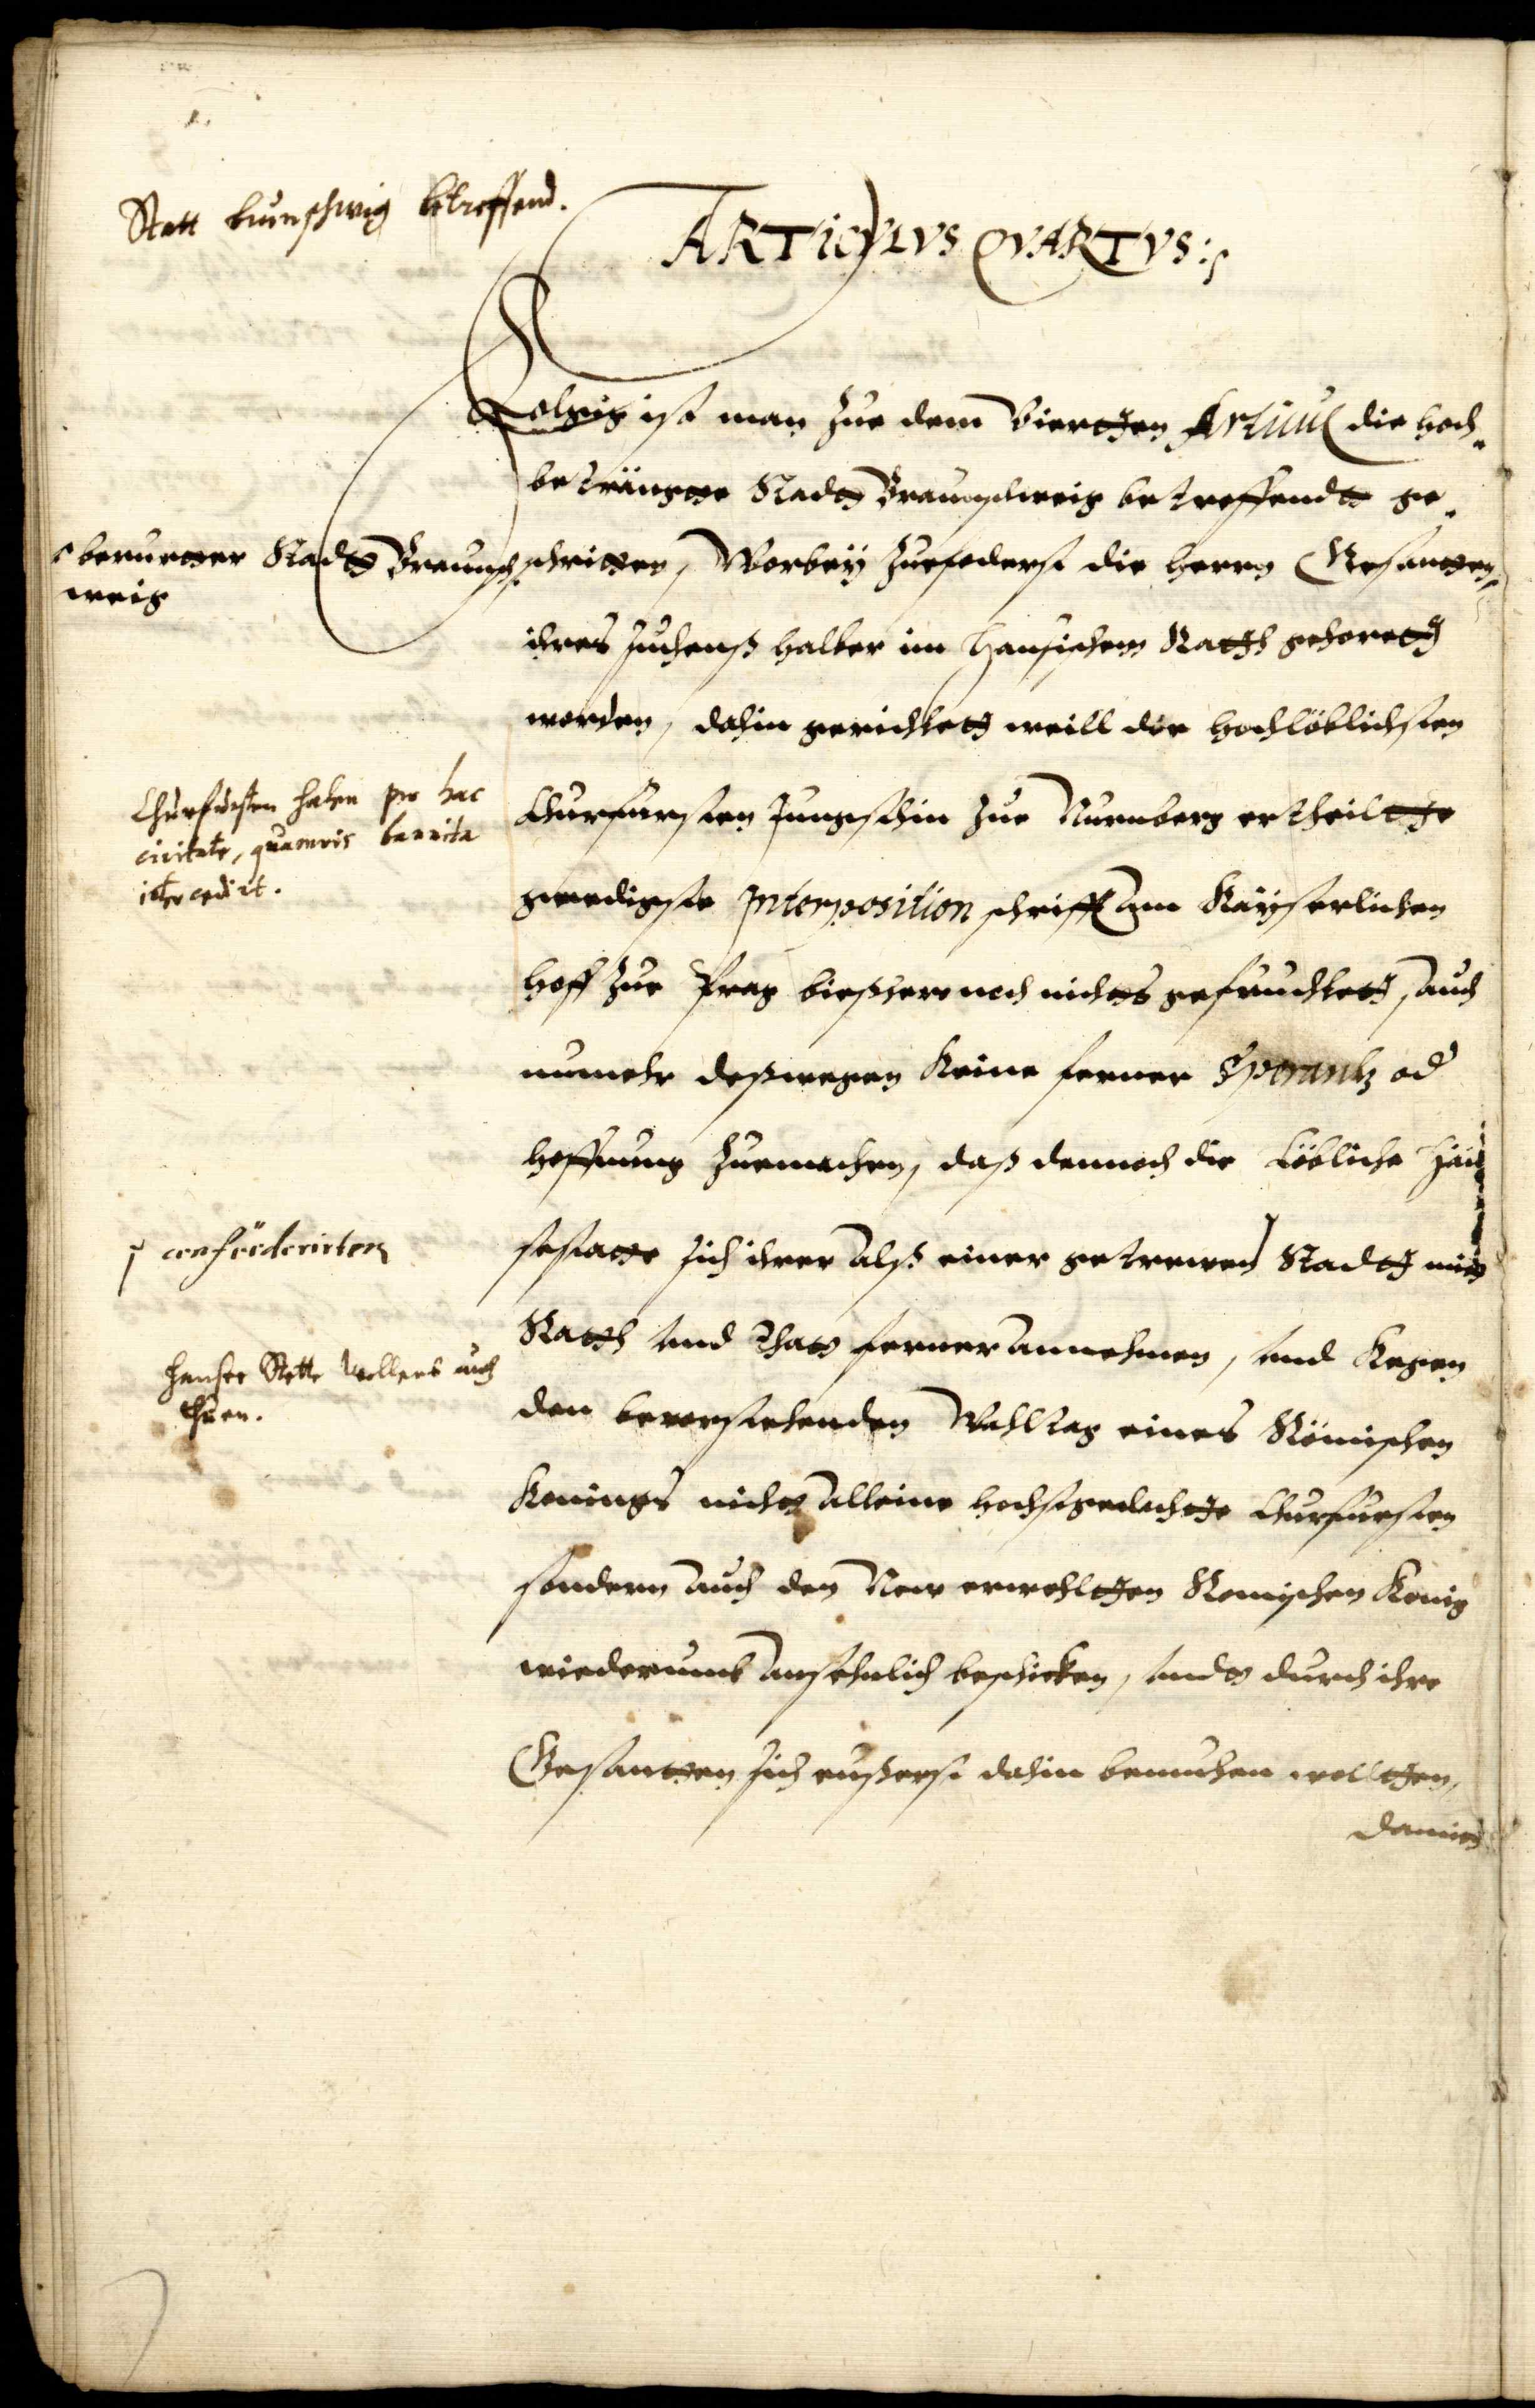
Statt brunschwig betreffend.
ARTICVLVS QVARTVS :p
Folgig ist man zue dem Viertten Articul die hoch¬
beträngtte Stadtt Braunschweig betrffendtt ge¬
schritten, Worbeij zuforderst die herrn Gesantten c
ihres suchens halber im Hansichen Ratth gehorett
worden, dahin gerichtett weill die hochlöblichsten
Churfursten Jungsthin zue Nurnberg ertheiltte
gnedigste Interposition schrifft am Kaijserlichen
Hoff zue Prag bießhero noch nichtts gefruchtett, Auch
nunmehr deßwegen keine ferner Sperantz oder
hoffnung zuemachen, daß dennoch die Löbliche Hän¬
sestatte sich ihrer Alß einer getrewen Y Stadt mitt
Ratth vnd Thatt ferner annehmen, vnd kegen
den bevorstehenden Wahltag eines Römischen
Konings nichtt alleine hochst gedachtte Churfursten
sondern auch den New erwehltten Romischen Konig
wiederumb ansehnlich beschicken, vndtt durch ihre
Gesantten sich eußerst dahin bemuhen wollten,
damitt
c berurtter Stadtt Braunsch¬
weig
Churfursten halen pro hac
civitate, quamvis barrita
inter cedirt.
Y conföederirten
hansee Stette wollens auch
thuen.
